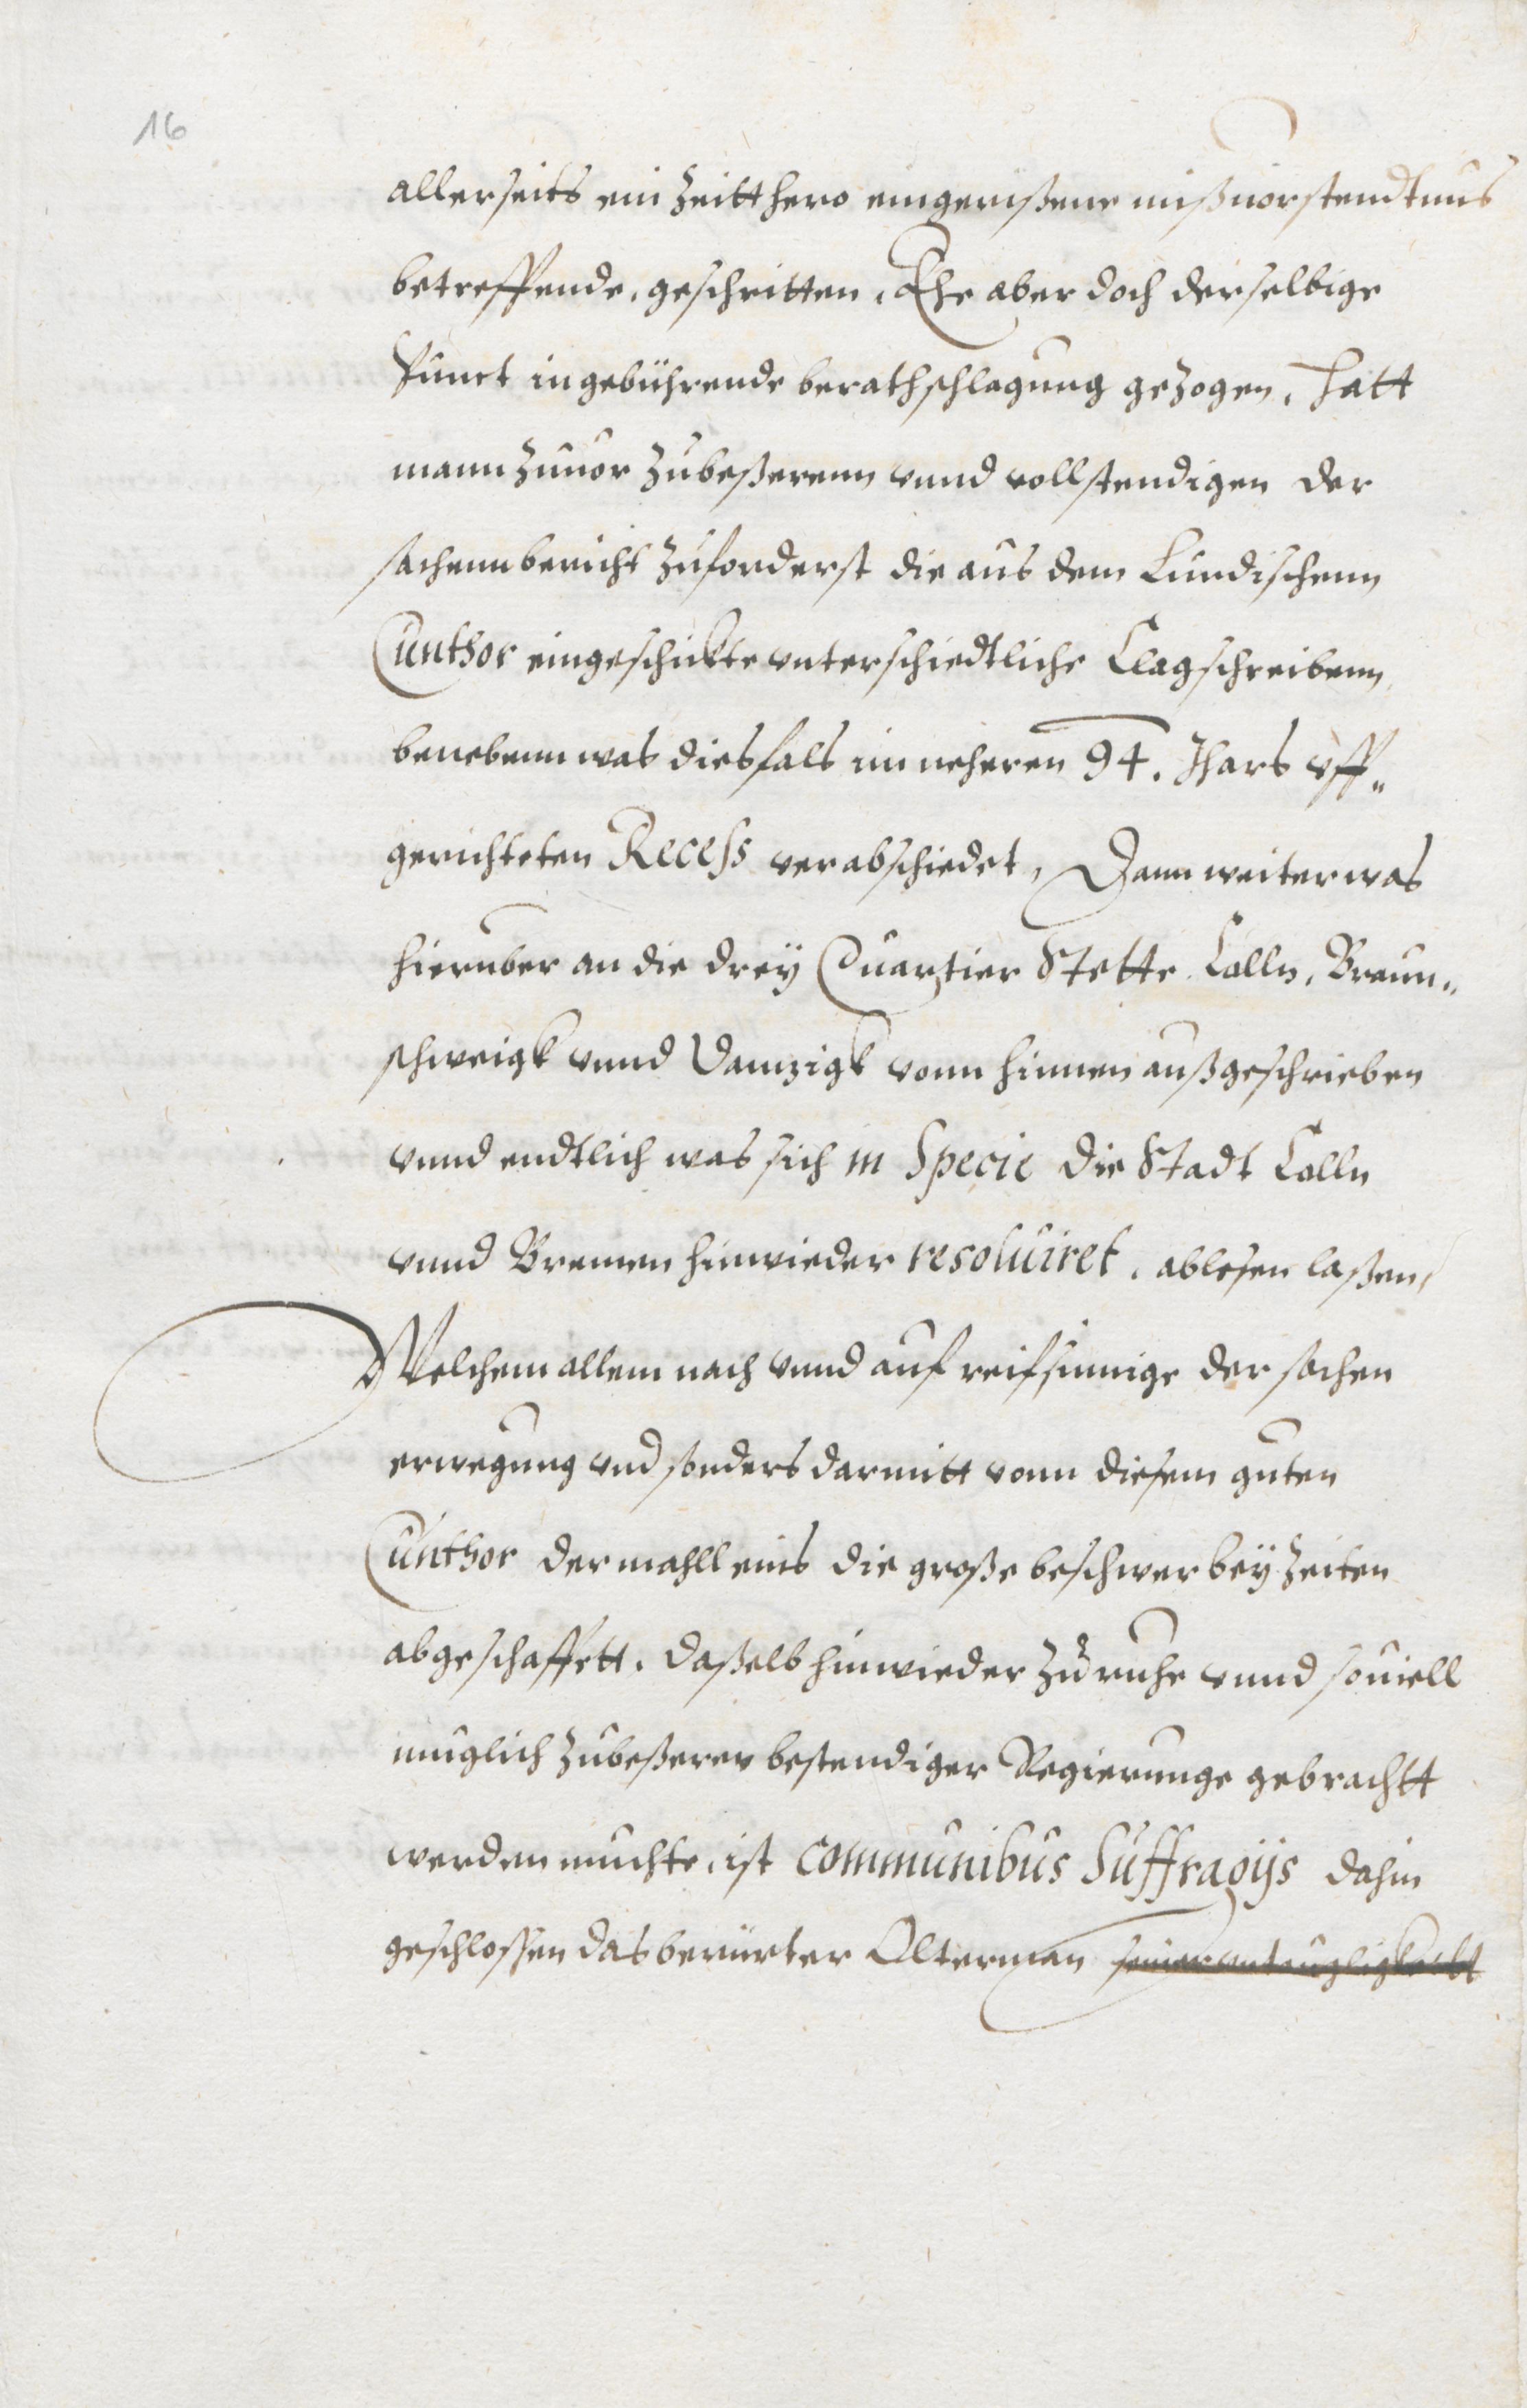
allerseits ein zeitt hero eingerißene mißuorstendtnus
betreffende, geschritten, Ehr aber doch derselbige
punct in gebührende berathschlagung gezogen, hatt
mann zuuor zu beßerenn vnnd vollstendigen der
sachenn bericht zuforderst die aus dem Lundischenn
Cunthor eingeschickte vnterschiedtliche Clagschreibenn
benebenn was diesfals ein neheren 99. Jhars vff=
gerichteten Recess verabschiedet, Dann weiter was
hieruber an die dreij Quartier Stette Colln, Braun=
schweigk vnnd Danzigk vonn hinnen außgeschrieben
vnnd endtlich was sich in Specie die Stadt Colln
vnnd Bremen hinwieder resoluiret, ablesen laßen,
Welchem allem nach vnnd auf reifsinnige der sachen
erwegung vnd sonders darmitt vonn diesem guten
Cunthor dermahll eins die große beschwer beij zeiten
abgeschaffett, daßelb hinwieder zuruhe vnnd souiell
muglich zubeßerer bestendiger Regierunge gebrachtt
werden muchte, ist communibus Suffraoijs dahin
geschlossen das berürter Altermann seiner vntrugligkeitt
